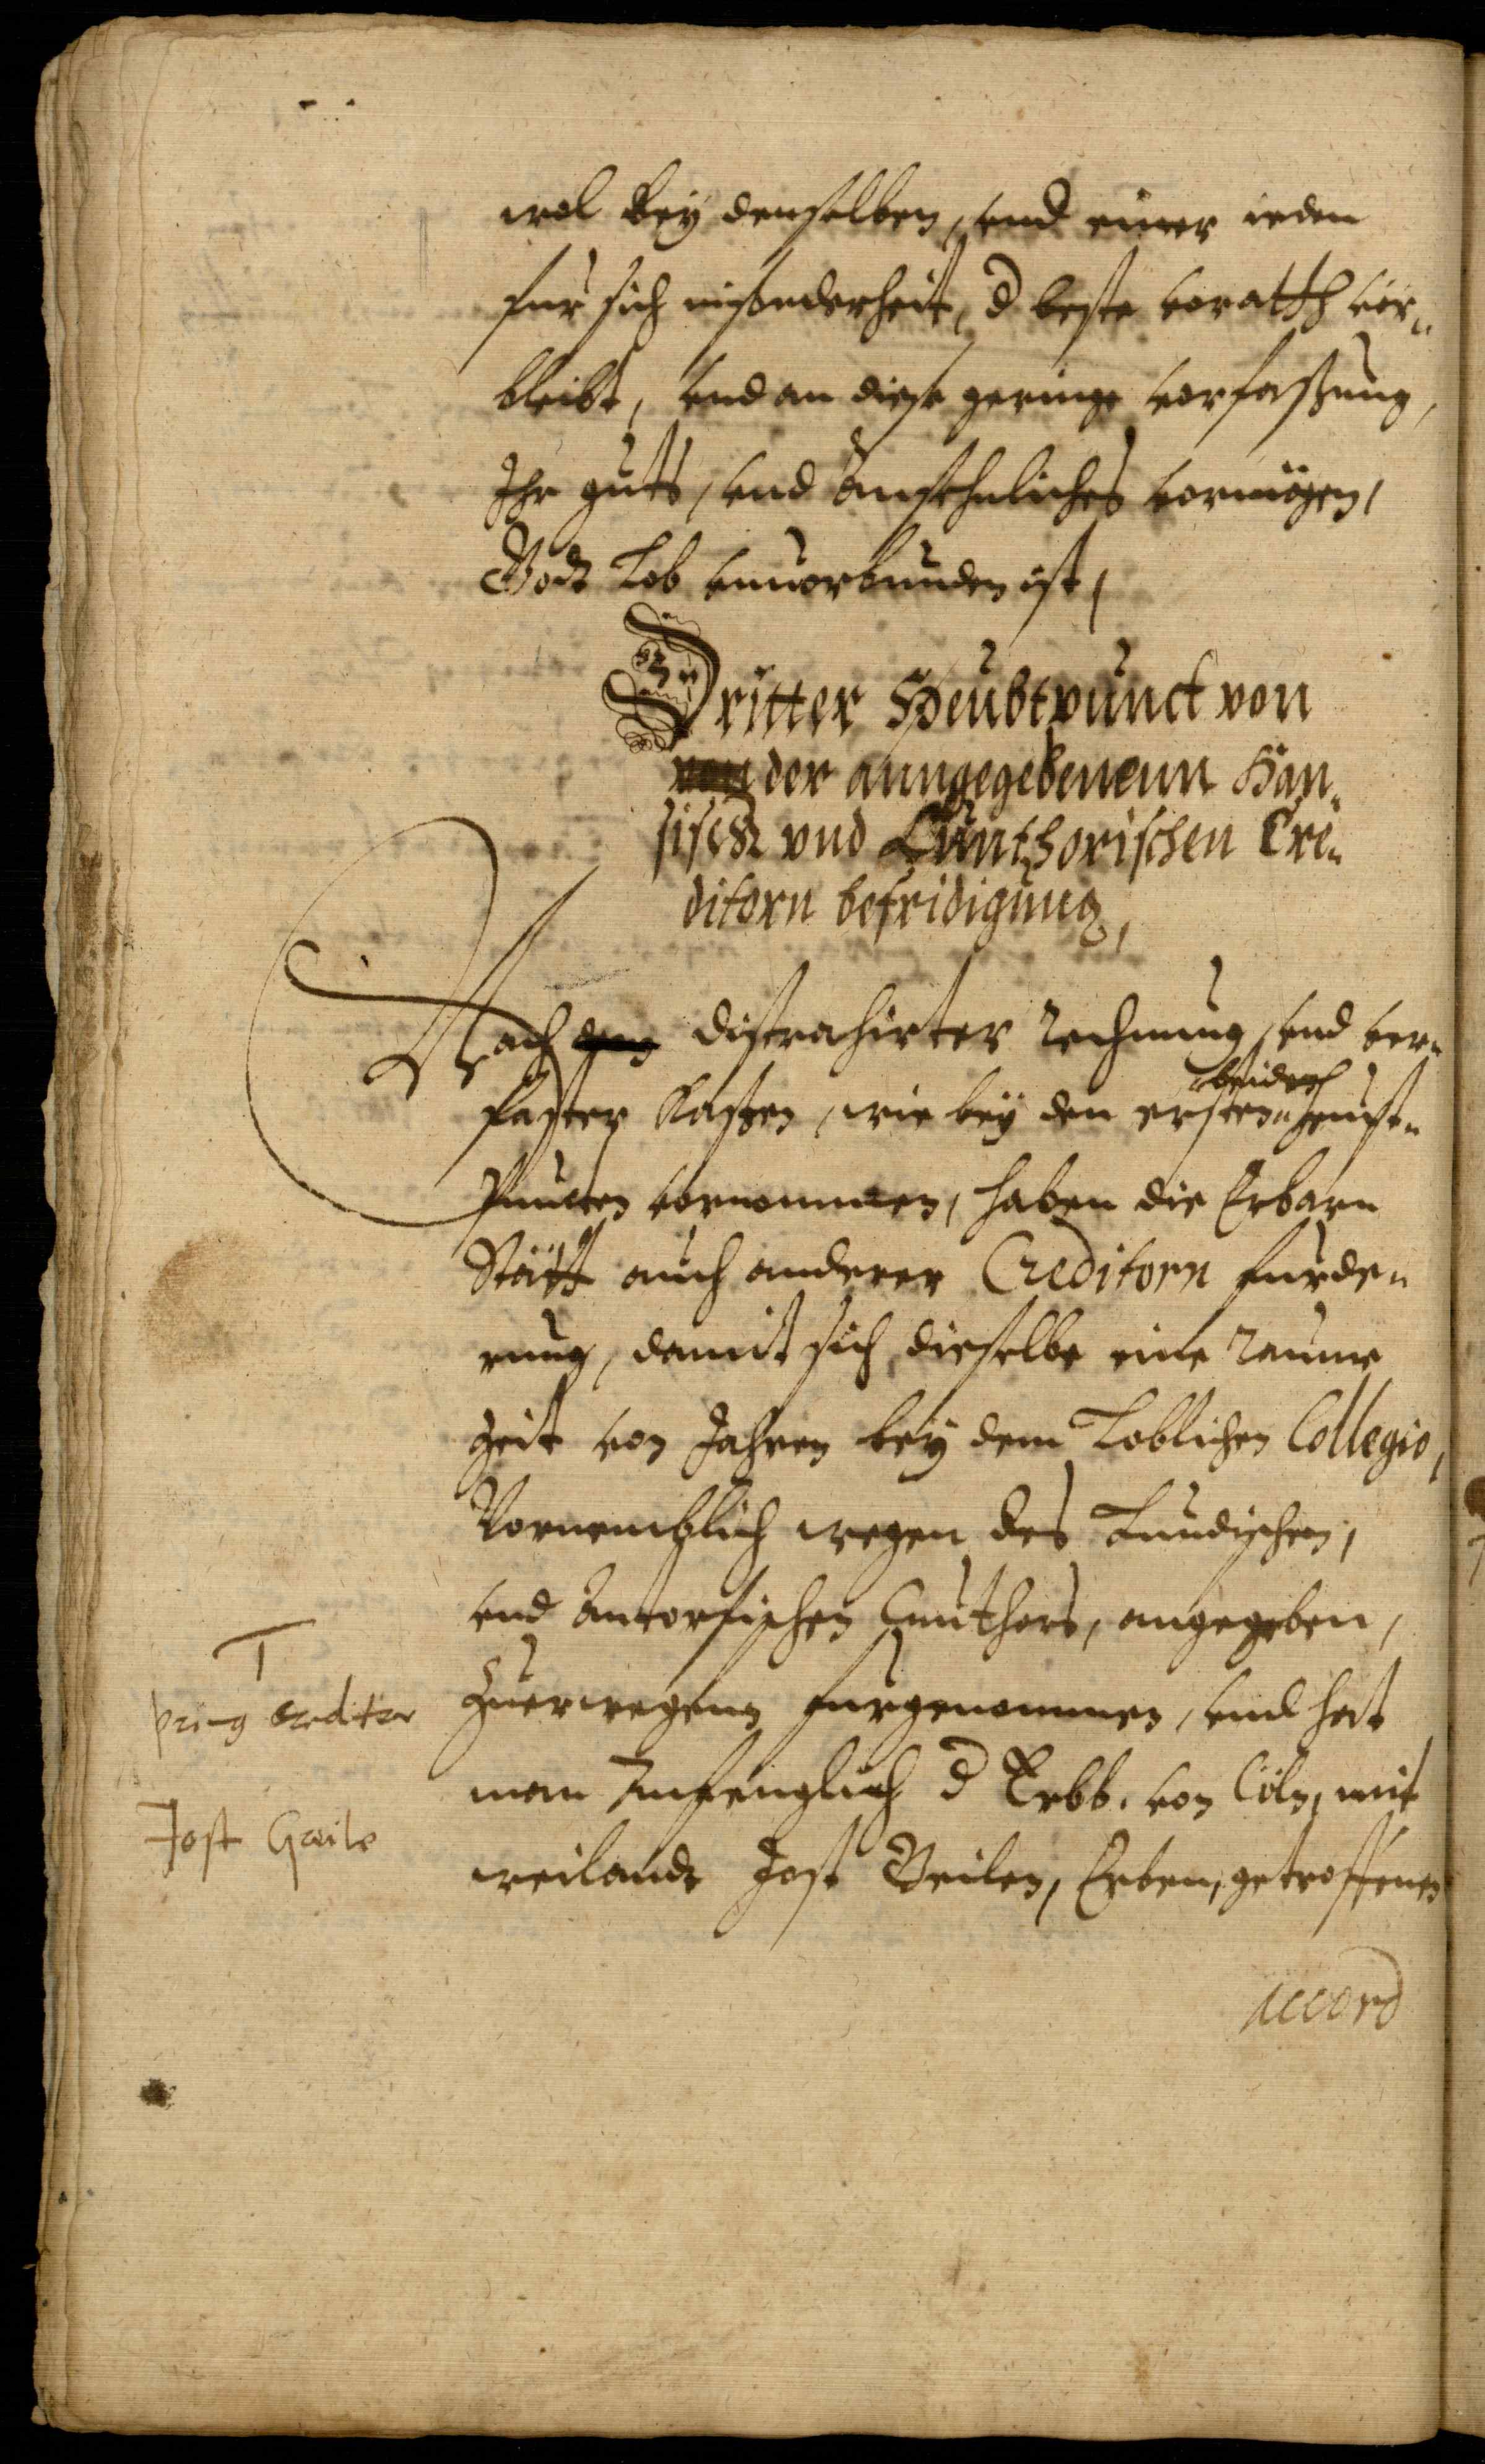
wol beij denselben, vnd einer ieden
fur sich insonderheit, der beste vorratth vör¬
bleibt, vnd an diese geringe vorfaßung,
Ihr guts, vnd ansehnliches vermögen,
Godt Lob vnuorbunden ist,
Dritter Heubtpunct von
von der anngegebenenn Hän¬
sischen vnd Cunthorischen Cre¬
ditorn befriedigung,
Nach deg distrahirter Rechnung vnd ver¬
faster Kaßen, wie beij den ersten beiden heupt¬
puncten vornommen, haben die Erbarn
Stätt auch anderer Creditorn furde¬
rung, damit sich, dieselbe eine raume
zeit von Jahren dem Loblichen Collegio,
vornamblich wegen des Lundischen,
vnd Antorfischen Cunthors, angegeben,
zuerwegen furgenommen, vnd hat
man anfenglich den Erbb.von Cöln, mit
weilandt Jost Geilen, Erben, getroffenen
accord
1
primus creditor
Jost Gaile
